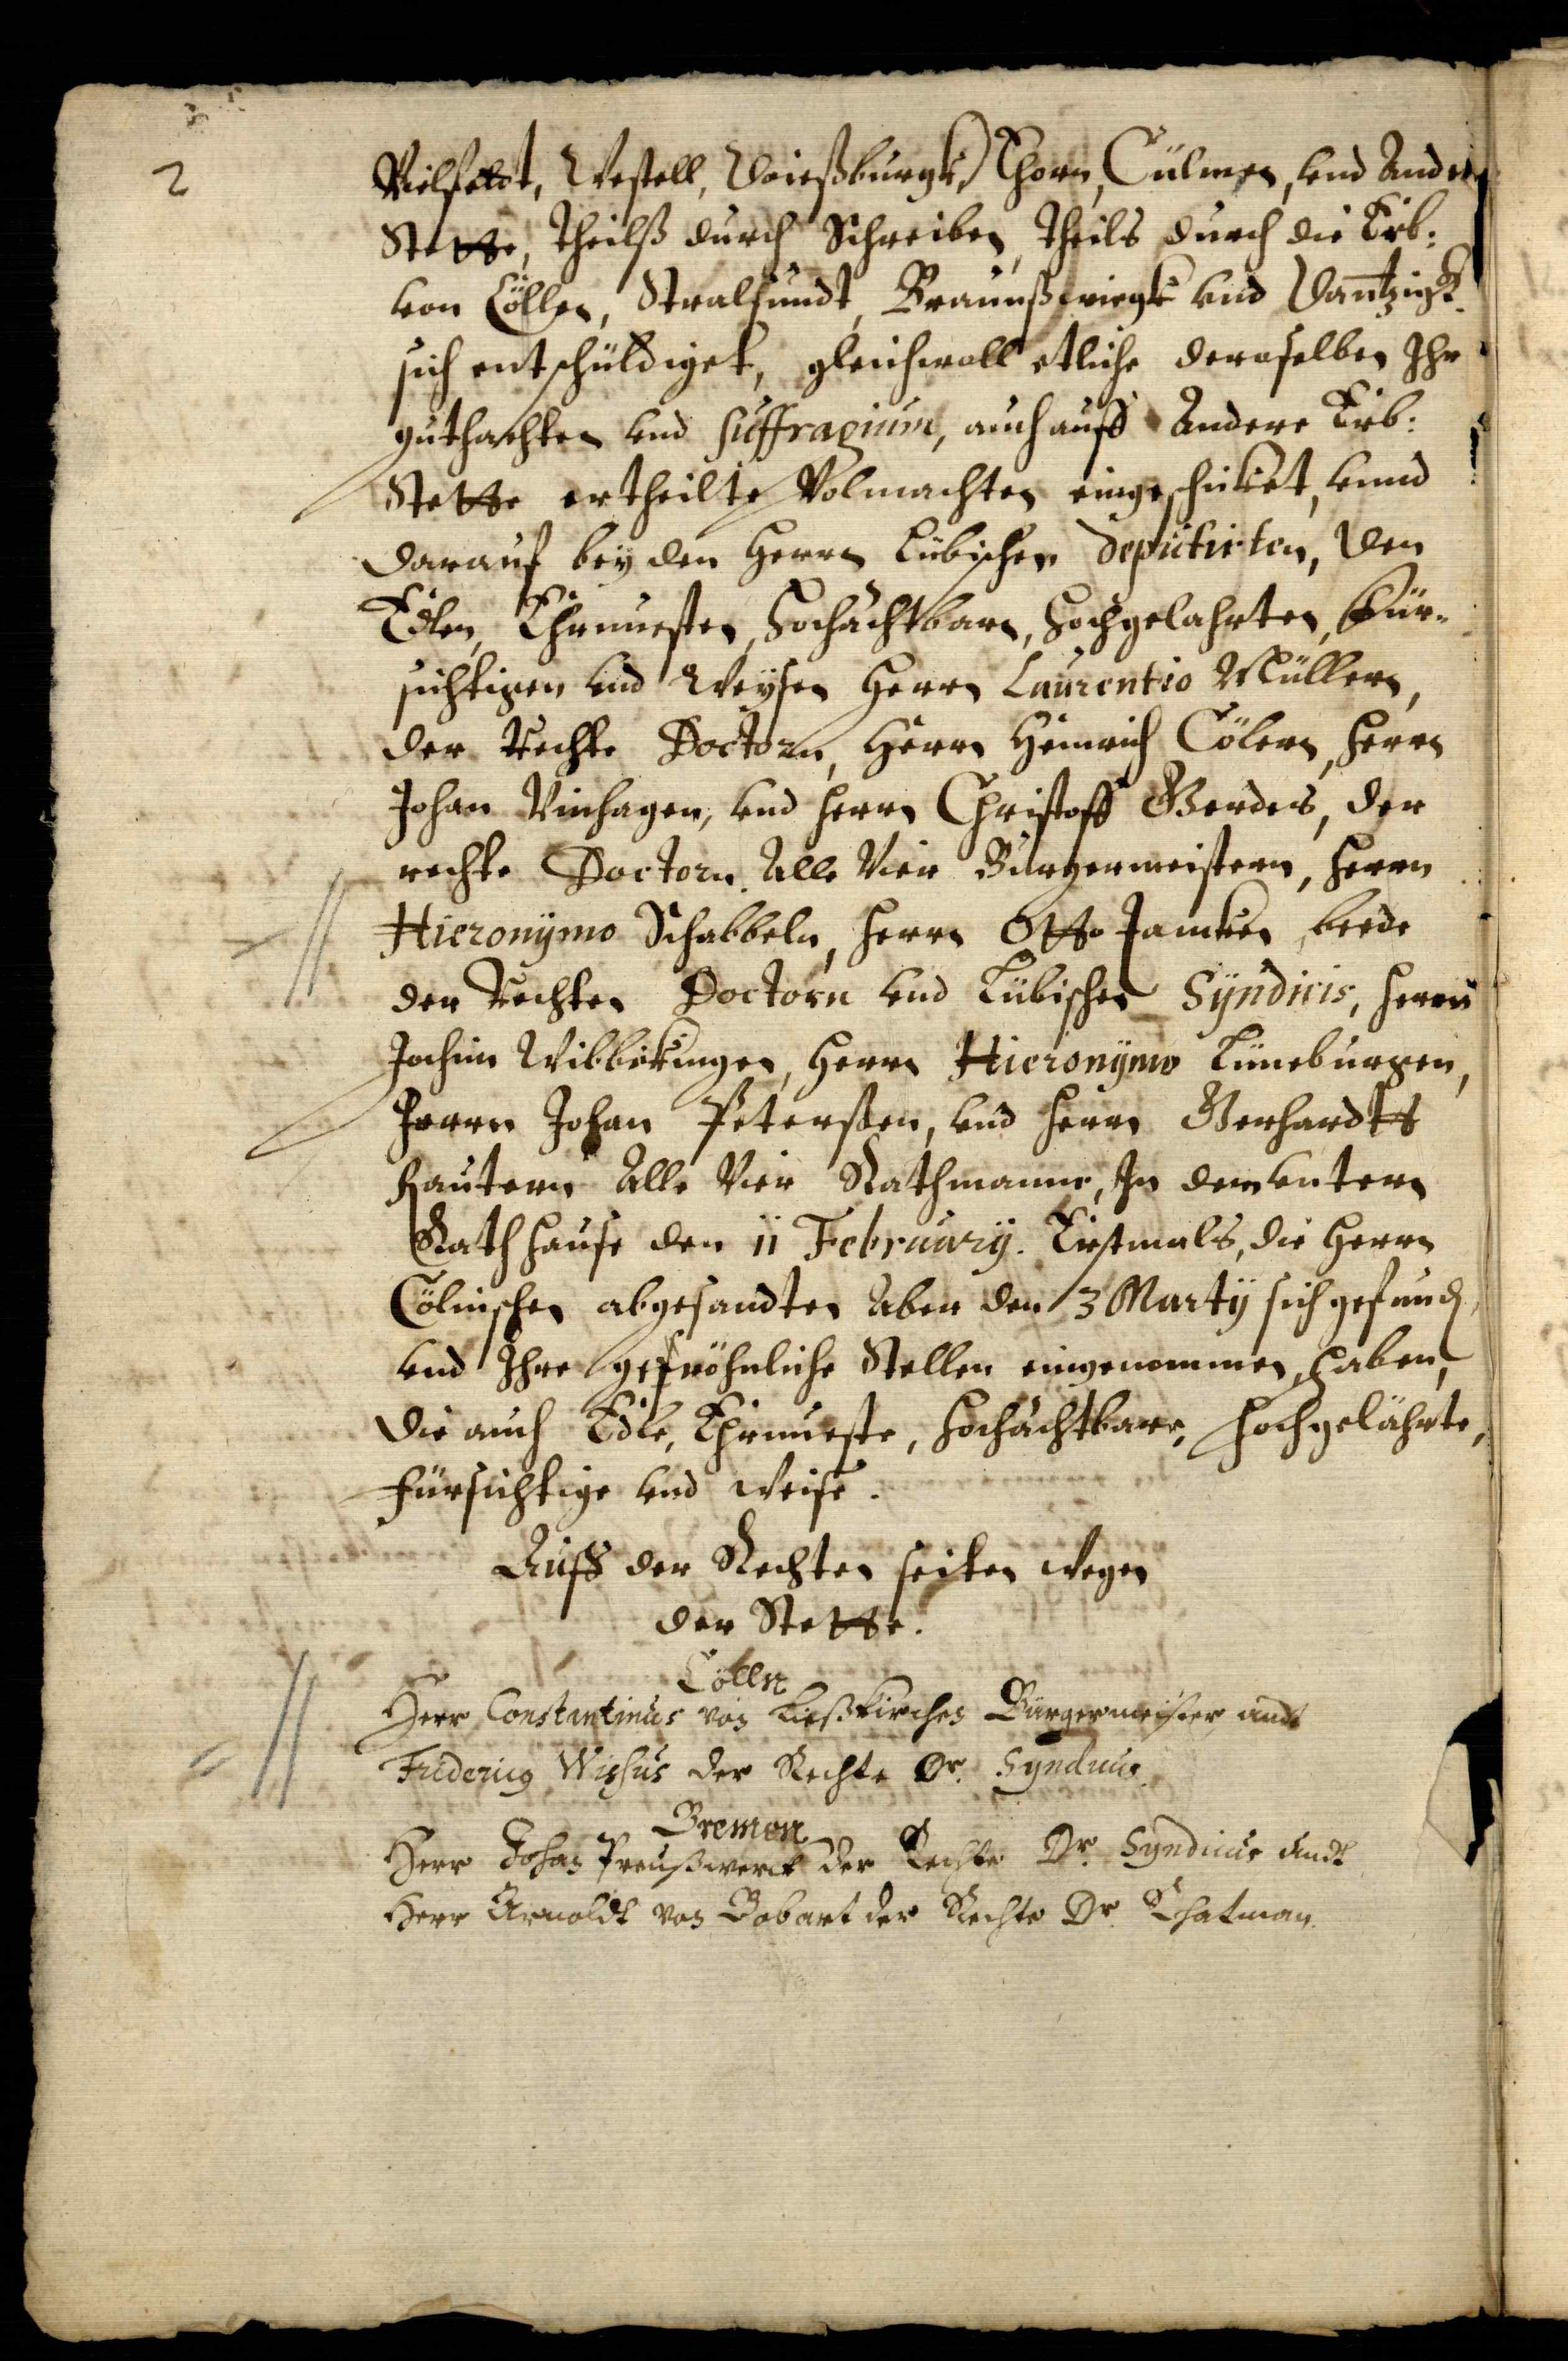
2
Vielfeldt, Weßell, Doießburgk, Thorn, Cülmen, vnd andere
Stette, teilß durch schreiben, theils durch die Erb:
von Cöllen, Stralsundt, Braunßwiegk vnd Dantzigk
sich entschüldiget, gleichwoll etliche deroselben Ihr
guthachten vnd suffragium, auch auff andere Erb:
Stette ertheilte volmachten eingeschicket, vnnd
darauf beij den herrnn Lübischen deputirten, den
Edlen, Ehrnvesten, Hochachtbaren, Hochgelahrten, Für¬
sichtigen vnd Weijsen herrn Laurentio Müllern,
der Rechte Doctorn, herrn Heinrich Cölern, herrn
Johan Vinhagen, vnd herrn Christoff Gerdes, der
rechte Doctorn, alle vier Burgermeistern, herrn
Hieronijmo Schabbeln, herrn Otto Jamken, beede
der Rechten Doctorn vnd Lübischen Sijndicis, herrn
Jochim Wibbikingen, herrn Hieronijmo Lüneburgen,
herrn Johan Peterßen vnd herrn Gerhardtt
Kautern alle vier Rathmanne, in dem vntern
Rath hause den ii Februarij. Erstmals, die herrn
Cölnischen abgesandten aber den 3 Martij sich gefunden
vnd Ihre gewöhnliche Stellen eingenommen, haben,
die auch Edle, Ehrnveste, Hochachtbare, hochgelährte
fürsichtige vnd weise.
Auff der Rechten seiten wegen
der Stette.
Cölln
Herr Constantinus von Ließkirchen Bürgermeißter undt
Fridericg Wissus der Rechte Dr. Syndicus.
Bremen
Herr Iohan Preußwerck der Rechte Dr. Syndicus undt
Herr Arnoldt von Bobart der Rechte Dr. Rhatman.
